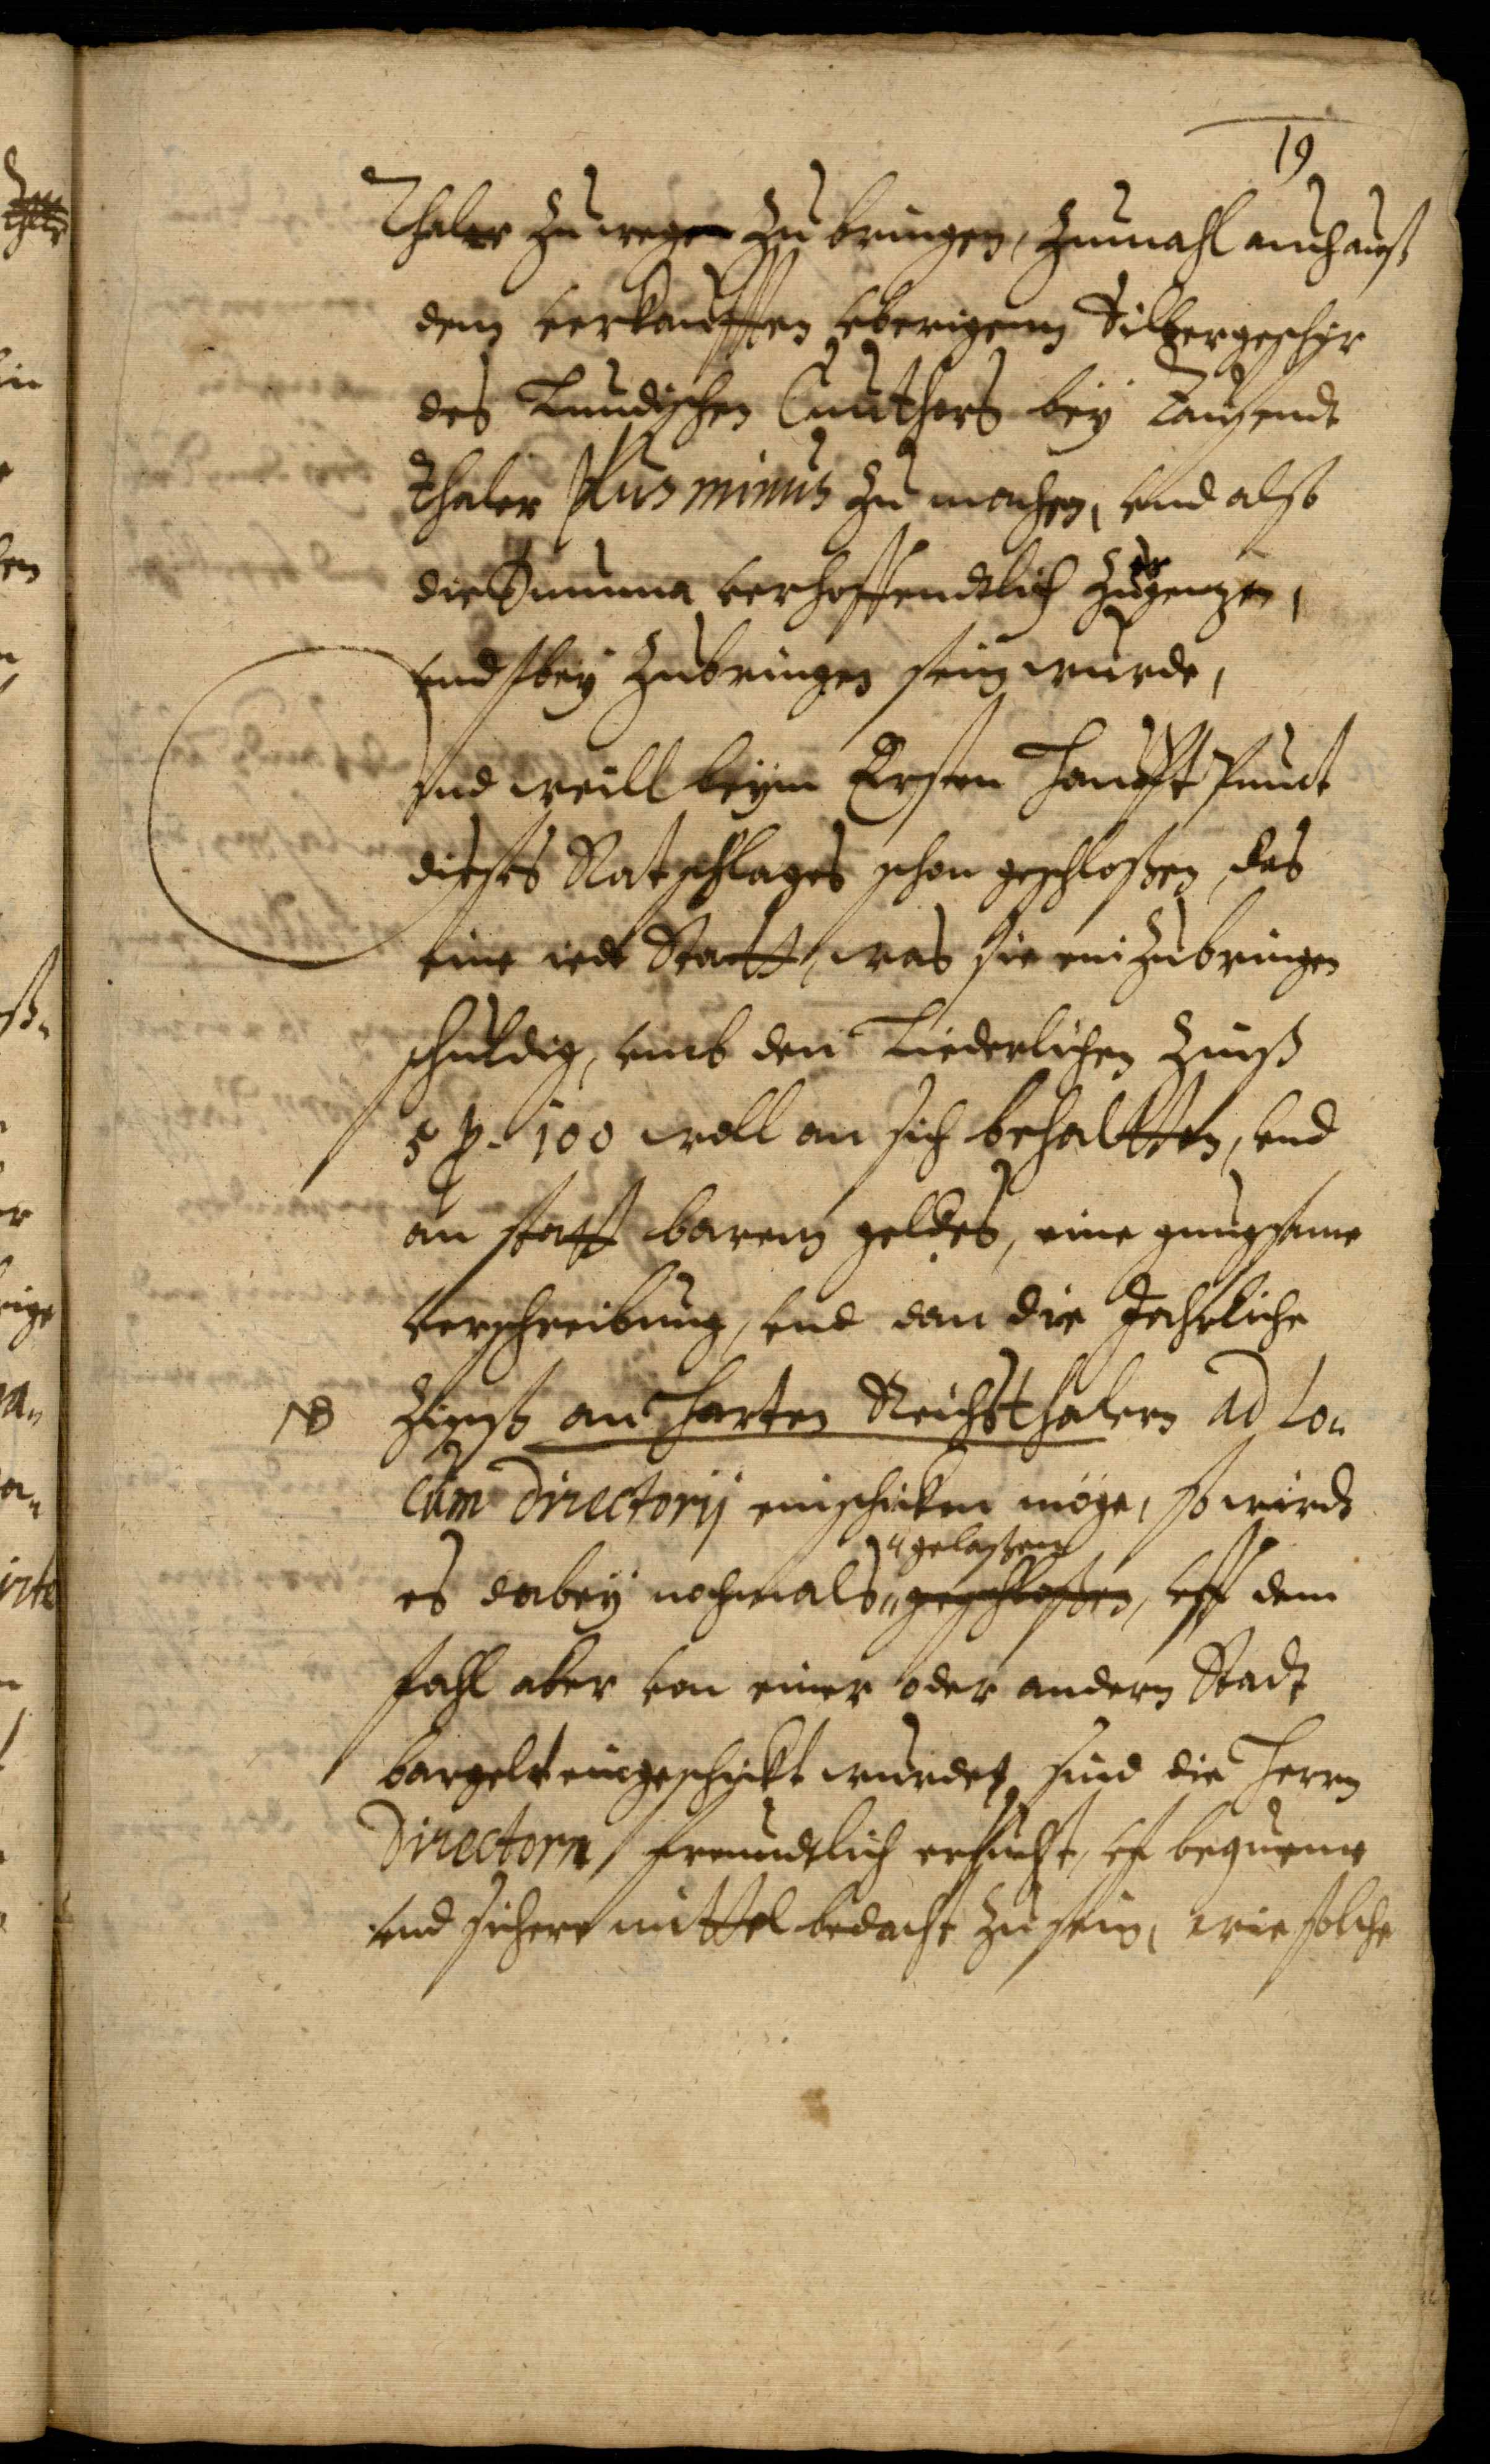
19
Thaler zuwegen zu bringen, zumahl auch auß
dem verkauftten vbrigen Silbergeschir
des Lundischen Cunthors beij Tausendt
Thaler Plus minus zu machen, vnd alß
die Summa verhoffendtlich zuergenzen
vnd beij zubringen sein wurde,
Vnd weill beijm Ersten Haupt Punct
dieses Ratschlages schon geschloßen, das
eine iede Statt, was sie einzubringen
schuldig, vmb den Liederlichen zinß
5 pro 100 woll an sich behaltten, vnd
an statt baren geldes, eine gnugsame
vorschreibung, vnd dan die Jahrliche
zinß an harten Reichsthalern ad lo¬
cum directorij einschicken möge, so wird
es dabeij nochmals gelaßen geschloßen, vff dem
fall aber von einer oder andern Stadt
bargelt eingeschickt wurden, sind die Herrn
Directorn freundtlich ersucht, vf bequeme
vnd sichere mittel bedacht zu sein, wie solche
NB
